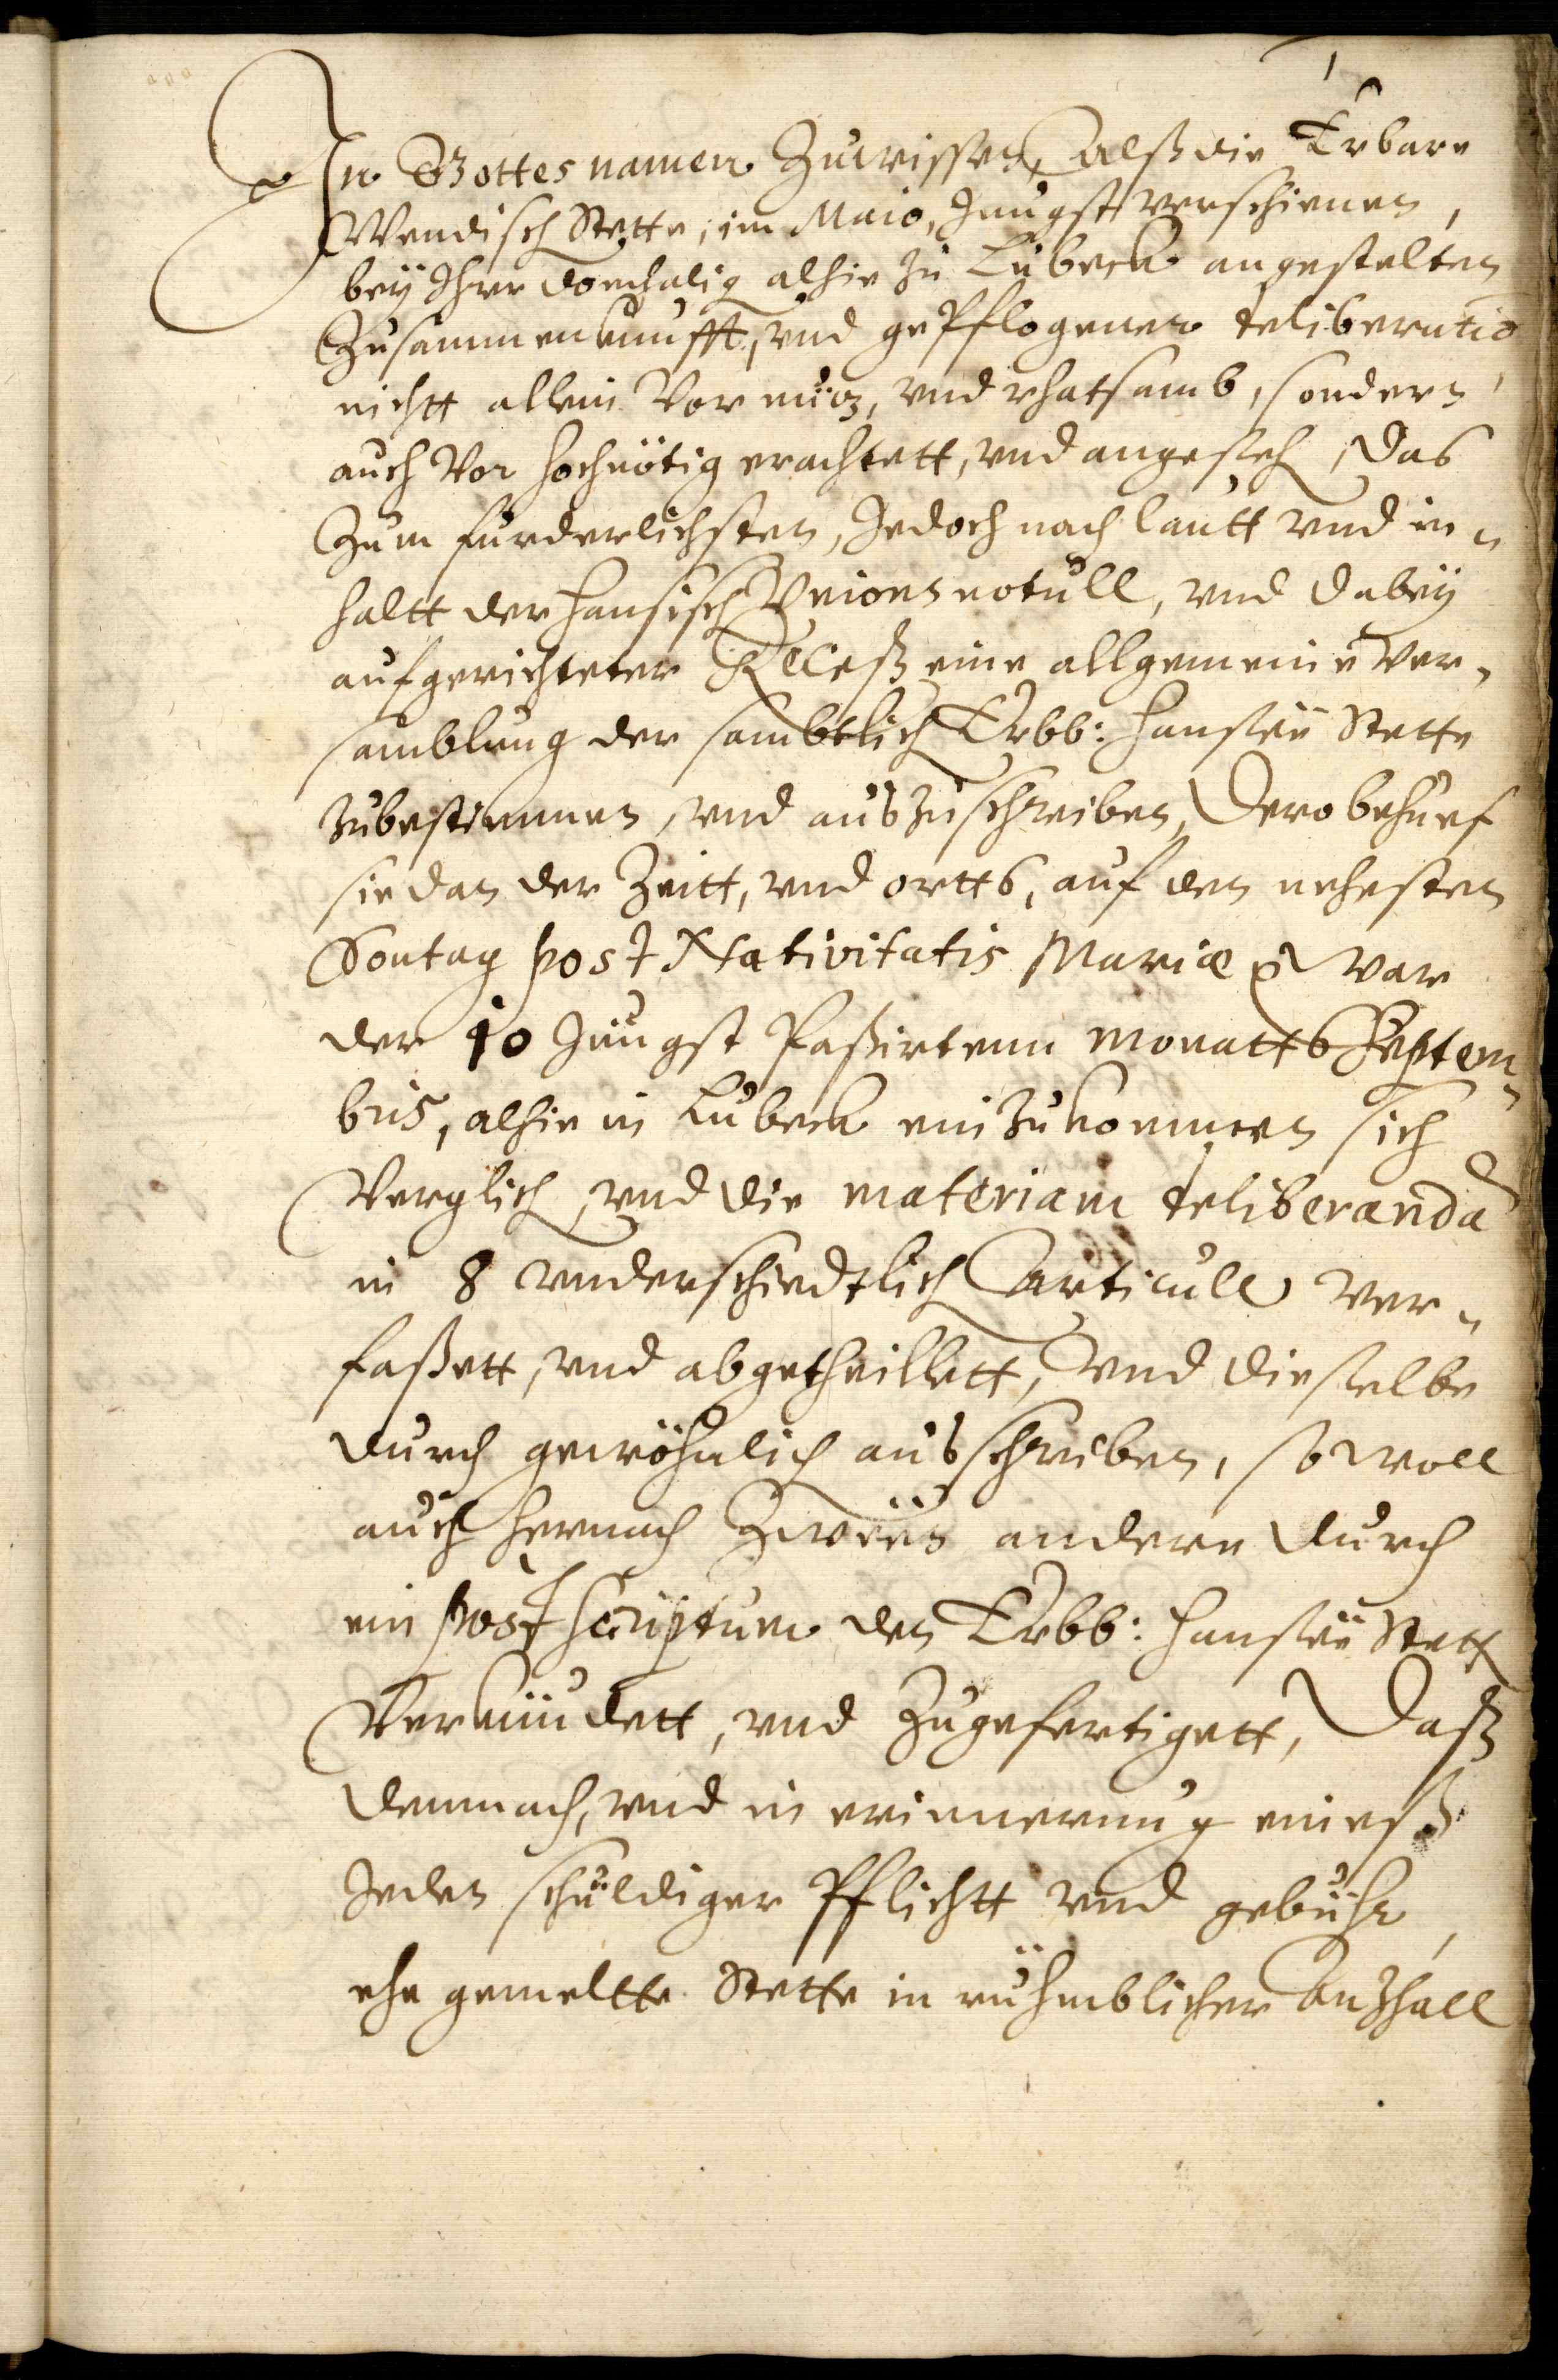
1
In Gottes namen Zuwissen, Alß die Erbarn
Wendischen Stette, im Maio, Jungst verschienen,
beij Ihrer domhaligen alhie zu Lubeck angestelten
Zusammenkunfft, vnd gepflogener deliberatio
nichtt allein Vor nütz, vnd rhatsamb, sondern
auch Vor hochnötig erachtett, vnd angesehen, das
zum furderlichsten, jedoch nach lautt vnd in¬
haltt der hansischen Vnions notull, vnd dabeij
aufgerichteter Receß eine allgemeine Ver¬
samblung der sambtlichen Erbb: Hansee Stette
zubestimmen, vnd auszuschreiben, Dero behuef
sie dan der Zeitt, vnd ortts, auf den nehesten
Sontag post Nativitatis Mariae p war
der 10 jüngst Paßirtenn monatts Septem¬
bris, alhie in Lubeck einzukommen sich
verglichen, vnd die materiam deliberanda
in 8 vnderschiedtlichen Articull ver¬
faßett, vnd abgetheillett, vnd dieselbe
durch gewöhnlichen ausschreiben, so woll
auch hernach zween andern durch
ein post scriptum den Erbb: Hansee Stetten
verkündett, vnd zugefertigett, Daß
demnach, vnd in erinnerung eineß
jeden schüldiger Pflichtt vnd gebühr,
ehe gemeltte Stette in ruhmblicher Anzhall
